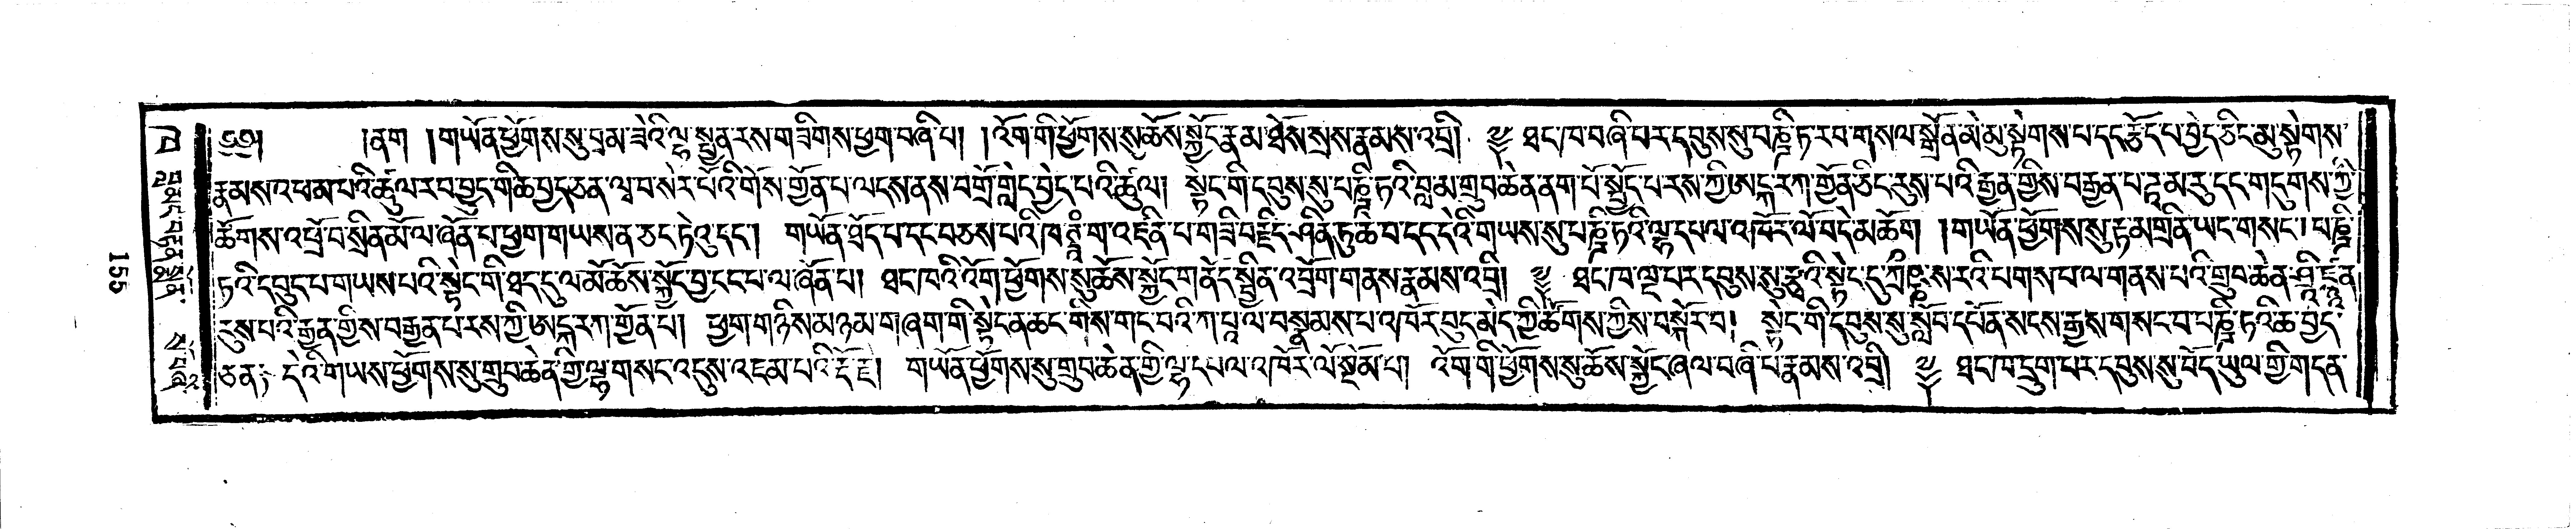༄༅། །ནག །གཡོན་ཕྱོགས་སུ་བྲམ་ཟེའི་ལྷ་སྤྱན་རས་གཟིགས་ཕྱག་བཞི་པ། །འོག་གི་ཕྱོགས་སུ་ཆོས་སྐྱོང་རྣམ་ཐོས་སྲས་རྣམས་འབྲི། ༈ ཐང་ཁ་བཞི་པར་དབུས་སུ་བཎྜི་ཏ་རབ་གསལ་སྒྲོན་མེ་མུ་སྟེགས་པ་དང་རྩོད་པ་བྱེད་ཅིང་མུ་སྟེགས་
རྣམས་འཕམ་པའི་ཚུལ་རབ་བྱུང་གི་ཆ་བྱད་ཅན་ལྭ་པ་སེར་པོའི་གོས་གྱོན་པ་ལངས་ནས་བགྲོ་གླེང་བྱེད་པའི་ཚུལ། སྟེང་གི་དབུས་སུ་པཎྜི་ཏའི་བླ་མ་གྲུབ་ཆེན་ནག་པོ་སྤྱོད་པ་རས་ཀྱི་ཨ་ངྐ་རྐ་གྱོན་ཅིང་རུས་པའི་རྒྱན་གྱིས་བརྒྱན་པ་ཌཱ་མ་རུ་དང་གདུགས་ཀྱི་
ཚོགས་འཕྲོ་བ་སྲིན་མོ་ལ་ཞོན་པ་ཕྱག་གཡས་ན་ཅང་ཏེའུ་དང་། གཡོན་ཐོད་པ་དང་བཅས་པའི་ཁ་ཊྭཱཾ་ག་འཛིན་པ་གཟི་བརྗིད་ཤིན་ཏུ་ཆེ་བ་དང་དེའི་གཡས་སུ་པཎྜི་ཏའི་ལྷ་དཔལ་འཁོར་ལོ་བདེ་མཆོག །གཡོན་ཕྱོགས་སུ་རྟ་མགྲིན་ཡང་གསང་། པཎྜི་
ཏའི་དབུང་པ་གཡས་པའི་སྟེང་གི་ཐད་དུ་ལ་མོ་ཆོས་སྐྱོད་བྱ་ངང་བ་ལ་ཞོན་པ། ཐང་ཁའི་འོག་ཕྱོགས་སུ་ཆོས་སྐྱོང་གནོད་སྦྱིན་འབྲོག་གནས་རྣམས་འབྲི། ༈ ཐང་ཁ་ལྔ་པར་དབུས་སུ་རྩྭའི་སྟེང་དུ་ཀྲྀ་ཥྞ་ས་རའི་པགས་པ་ལ་གནས་པའི་གྲུབ་ཆེན་ཤྲཱི་ཛྙཱ་ན་
རུས་པའི་རྒྱན་གྱིས་བརྒྱན་པ་རས་ཀྱི་ཨངྐ་རྐ་གྱོན་པ། ཕྱག་གཉིས་མཉམ་གཞག་གི་སྟེང་ན་ཆང་གིས་གང་བའི་ཀ་པཱ་ལ་བསྣམས་པ་འཁོར་བུད་མེད་ཀྱི་ཚོགས་ཀྱིས་བསྐོར་བ། སྟེང་གི་དབུས་སུ་སློབ་དཔོན་སངས་རྒྱས་གསང་བ་པཎྜི་ཏའི་ཆ་བྱད་
ཅན༑ དེའི་གཡས་ཕྱོགས་སུ་གྲུབ་ཆེན་གྱི་ལྷ་གསང་འདུས་འཇམ་པའི་རྡོ་རྗེ། གཡོན་ཕྱོགས་སུ་གྲུབ་ཆེན་གྱི་ལྷ་དཔལ་འཁོར་ལོ་སྔོམ་པ། འོག་གི་ཕྱོགས་སུ་ཆོས་སྐྱོང་ཞལ་བཞི་པ་རྣམས་འབྲི། ༈ ཐང་ཁ་དྲུག་པར་དབུས་སུ་བོད་ཡུལ་གྱི་གདན་